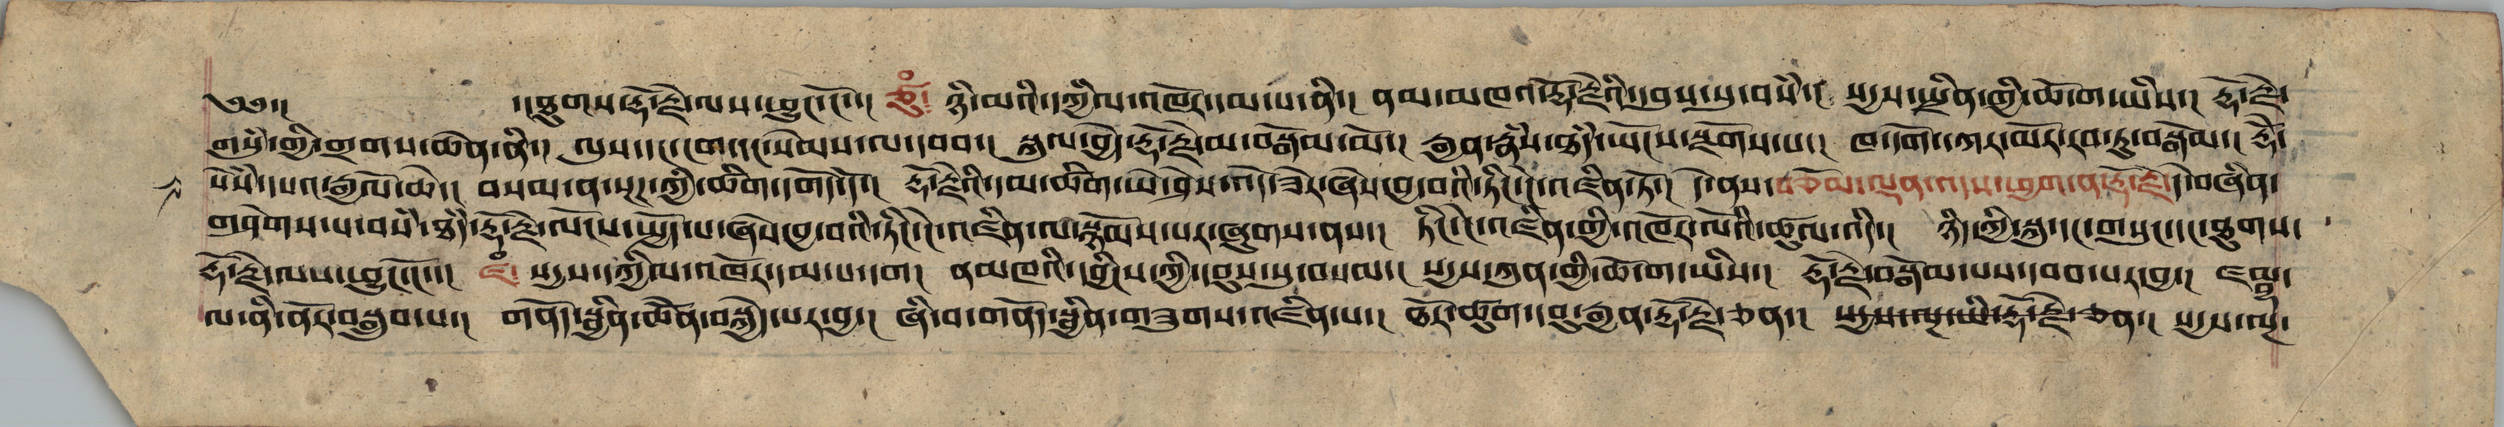༄༅་། ་།ཐུགས་རྡོ་རྗེ་ལས་ཕྱུང་ངོ་་། ཙུ༴ ཉི་མའི་དཀྱིལ་འཁོར་དམ་པ་ནི་། ནམ་མཁའ་རྡོ་རྗེའི་དབུས་སུ་བསཾ་། སདྱས་སྤྲིན་གྱི་ཆོ་ག་ཡིས་། རྡོ་རྗེ་
གསུཾ་གྱི་གྲགས་ཆེན་ནི་། ལུས་དང་ངག་དང་སེམས་ལ་དབབ་། སྐུལ་བྱེད་རྡོ་རྗེ་མ་བསྒོམ་མོ་། རྒྱན་རྣཾས་ཐདཾ་ཡོངས་སྫོགས་པ་། ཁ་དོག་དཀར་མོར་རབ་ཏུ་བསྒོམ་། རྡོེ་
སེཾས་དཔའ་རྒྱལོ་ཆེ་། བསམ་ན་སྔཌ་ཀྱི་ཚིག་དགོད་དོ་། རྡོ་རྗེའི་དམ་ཚིག་ཡེ་ཤེས་འོད་ཟེར་ཞེས་བྱ་བའི་ཏིང་ངེ་འཛིན་ཏོ་། དེ་ནས་བཅོམ་ལྡན་འདས་ཕྱག་ན་རྡོ་རྗེ་དེ་བཞིན་
གཤེགས་པ་བསཾ་ཐདཾ་རྡོ་རྗེ་ལོངས་སྤྱོད་པ་ཞེས་བྱ་བའི་ཏིང་ངེ་འཛིན་ལ་སྙོམས་པར་ཞུགས་ནས་། ཏིང་ངེ་འཛིན་གྱི་འཁོར་ལོའི་ཚུལ་འདི་། ཉིད་ཀྱི་སྐུ་དང་གསུང་དང་ཐུགས་
རྡོ་རྗེ་ལས་ཕྱུང་ངོ་། ཛཾ༴ སདྱས་དཀྱིལ་འཁོར་དམ་པ་དག། ནམཁའི་དབྱིངས་ཀྱི་དབུས་སུ་བསམ་། སདྱས་ཀུན་གྱི་ཆོ་ག་ཡིས་། རྡོ་རྗེ་བསྒོམ་པས་དབབ་པར་བྱ་། ཛམྦྷ་
ལ་ནི་ནོར་བསྒྲུབ་པ་། གནོད་སྦྱིན་ཆེོན་བསྐྱེད་པར་བྱ་། ཞི་བ་གནདོ་སྦྱིན་གཟུགས་འཛིན་པ་། ཐོར་ཚུག་དབུ་རྒྱན་རྡོ་རྗེ་ཅན་། སདྱས་ལྔ་ཡི་རྡོ་རྗེ་ཅན་། སདྱས་ལྔ་